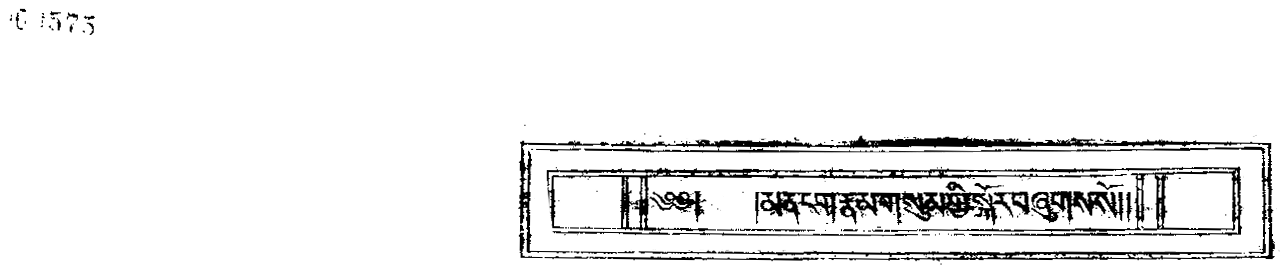༄༅། །མན་ངག་རྣམ་གསུམ་གྱི་སྐོར་བཞུགས་སོ།།